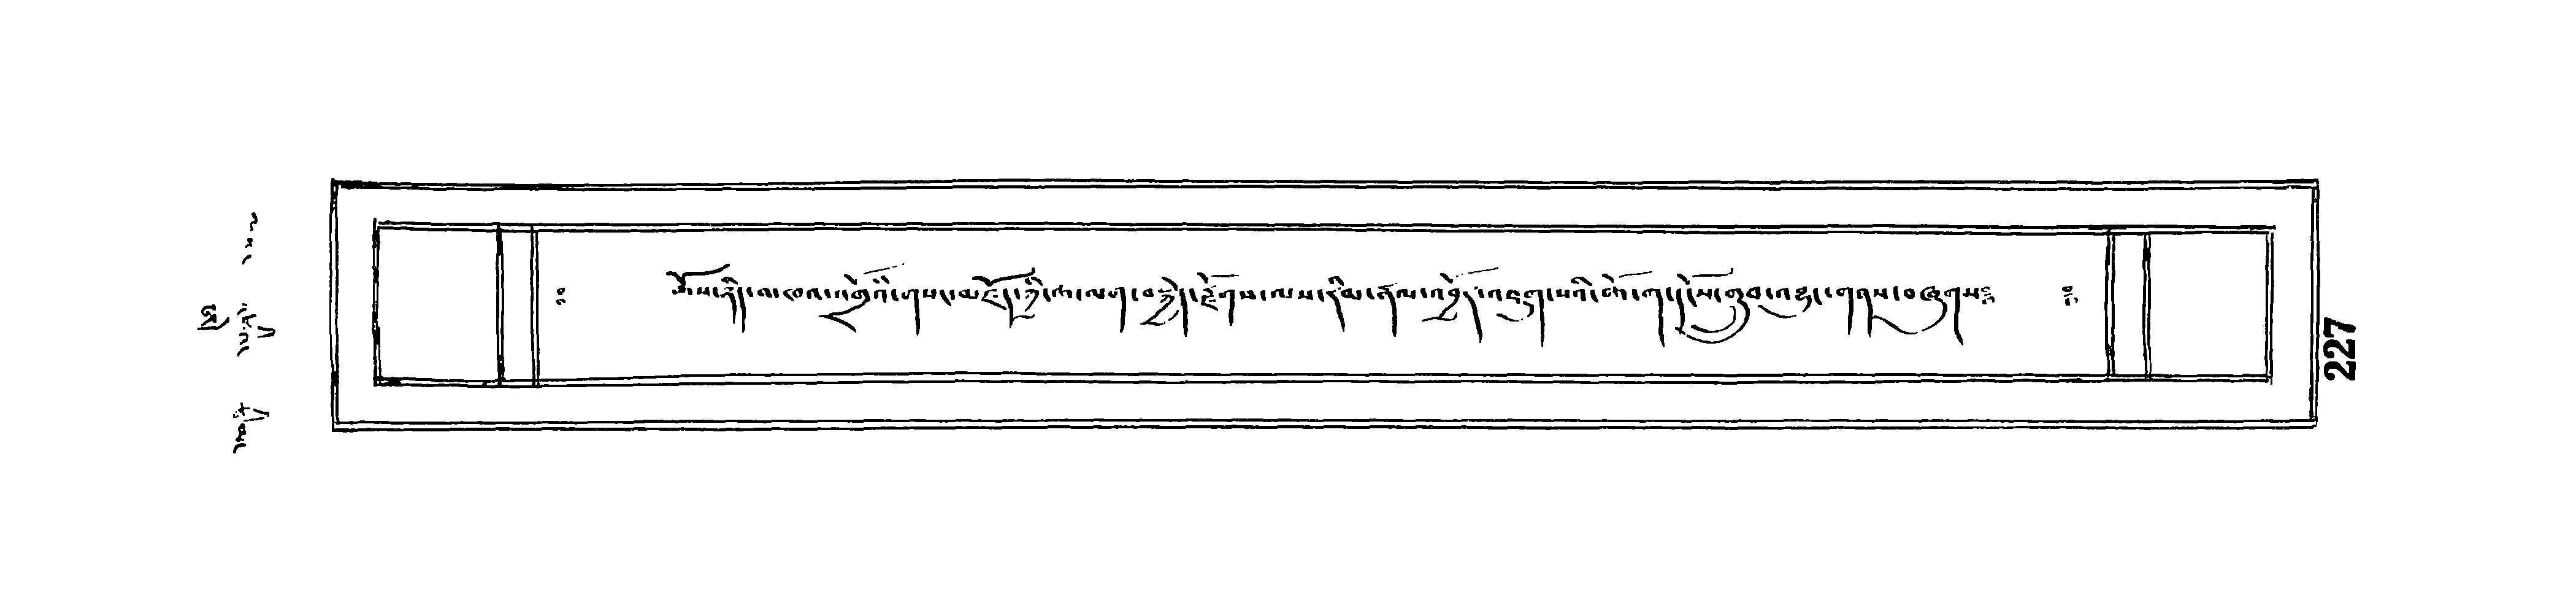ཆོས་ཉིད་མཁའ་འགྲོའི་གསང་མཛོད་ཀྱི་ཆ་ལག་བསྐྱེད་རྫོགས་ལས་རིམ་རྣལ་འབྱོར་འཇུག་པའི་ཆོ་ག་དངོས་གྲུབ་འབྱུང་གནས་བཞུགས༔